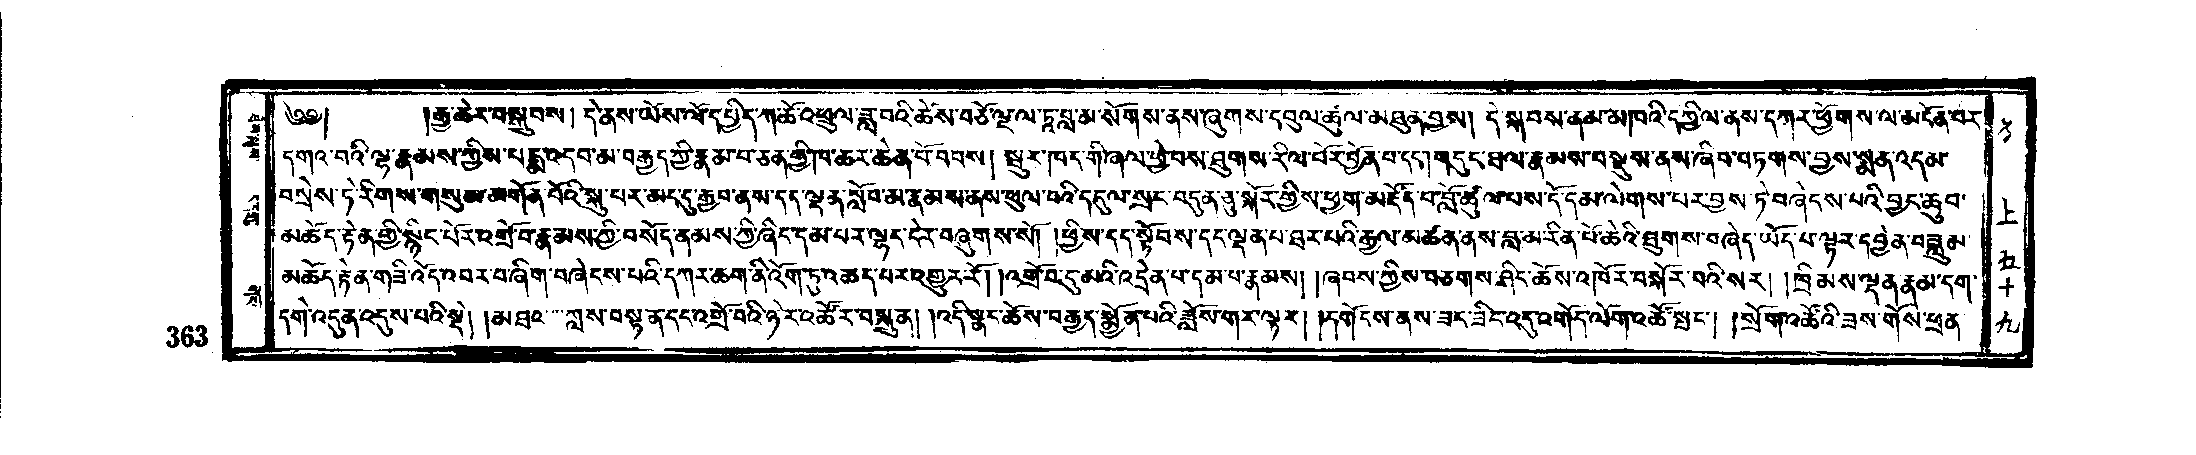༄༅། །རྒྱ་ཆེར་བསྒྲུབས། དེ་ནས་ཡོས་ལོ་དཔྱིད་ཀ་ཆོ་འཕྲུལ་ཟླ་བའི་ཚེས་བཅོ་ལྔ་ལ་ཏཱ་བླ་མ་སོགས་ནས་ཞུགས་དབུལ་ཚུལ་མཐུན་བྱས། དེ་སྐབས་ནམ་མཁའི་དཀྱིལ་ནས་དཀར་ཕྱོགས་ལ་མངོན་པར་
དགའ་བའི་ལྷ་རྣམས་ཀྱིས་པདམ་འདབ་མ་བརྒྱད་ཀྱི་རྣམ་པ་ཅན་གྱི་ཁ་ཆར་ཆེན་པོ་བབས། སྦུར་ཁང་གི་ཞལ་ཕྱེ་བས་ཐུགས་རིལ་པོར་བྱོན་པ་དང་། གདུང་ཐལ་རྣམས་བསྡུས་ནས་ཞིབ་བཏགས་བྱས་སྨན་འདམ་
བསྲེས་ཏེ་རིགས་གསུམ་མགོན་པོའི་སྐུ་པར་མང་དུ་རྒྱབ་ནས་དད་ལྡན་སློབ་མ་རྣམས་ནས་ཕུལ་བའི་དངུལ་སྲང་བདུན་ཅུ་སྐོར་གྱིས་ཕྱག་མཛོད་པ་བློ་ཚུལ་པས་དོ་དམ་ལེགས་པར་བྱས་ཏེ་བཞེངས་པའི་བྱང་ཆུབ་
མཆོད་རྟེན་གྱི་སྙིང་པོར་འགྲོ་བ་རྣམས་ཀྱི་བསོད་ནམས་ཀྱི་ཞིང་དམ་པར་ལྷང་ངེར་བཞུགས་སོ། །ཕྱིས་དད་སྟོབས་དང་ལྡན་པ་ཐར་པའི་རྒྱལ་མཚན་ནས་བླ་མ་རིན་པོ་ཆེའི་ཐུགས་བཞེད་ཡོད་པ་ལྟར་དབྱེན་བཟླུམ་
མཆོད་རྟེན་གཟི་འོད་འབར་བ་ཞིག་བཞེངས་པའི་དཀར་ཆག་ནི་འོག་ཏུ་འཆད་པར་འགྱུར་རོ། །འགྲོ་བ་དུ་མའི་འདྲེན་པ་དམ་པ་རྣམས། །ཞབས་ཀྱིས་བཅགས་ཤིང་ཆོས་འཁོར་བསྐོར་བའི་སར། །ཁྲིམས་ལྡན་རྣམ་དག་
དགེ་འདུན་འདུས་པའི་སྡེ། །མཐའ་ཀླས་བསྟན་དང་འགྲོ་བའི་ཉེར་འཚོར་བསྐྲུན། །འདི་སྣང་ཆོས་བརྒྱད་སྨྱོན་པའི་ཟློས་གར་ལྟར། །དགོངས་ནས་ཟང་ཟིང་འདུ་འགོད་ལོག་འཚོ་སྤང་། །སྲོག་འཚོའི་ཟས་གོས་ཕྲན་